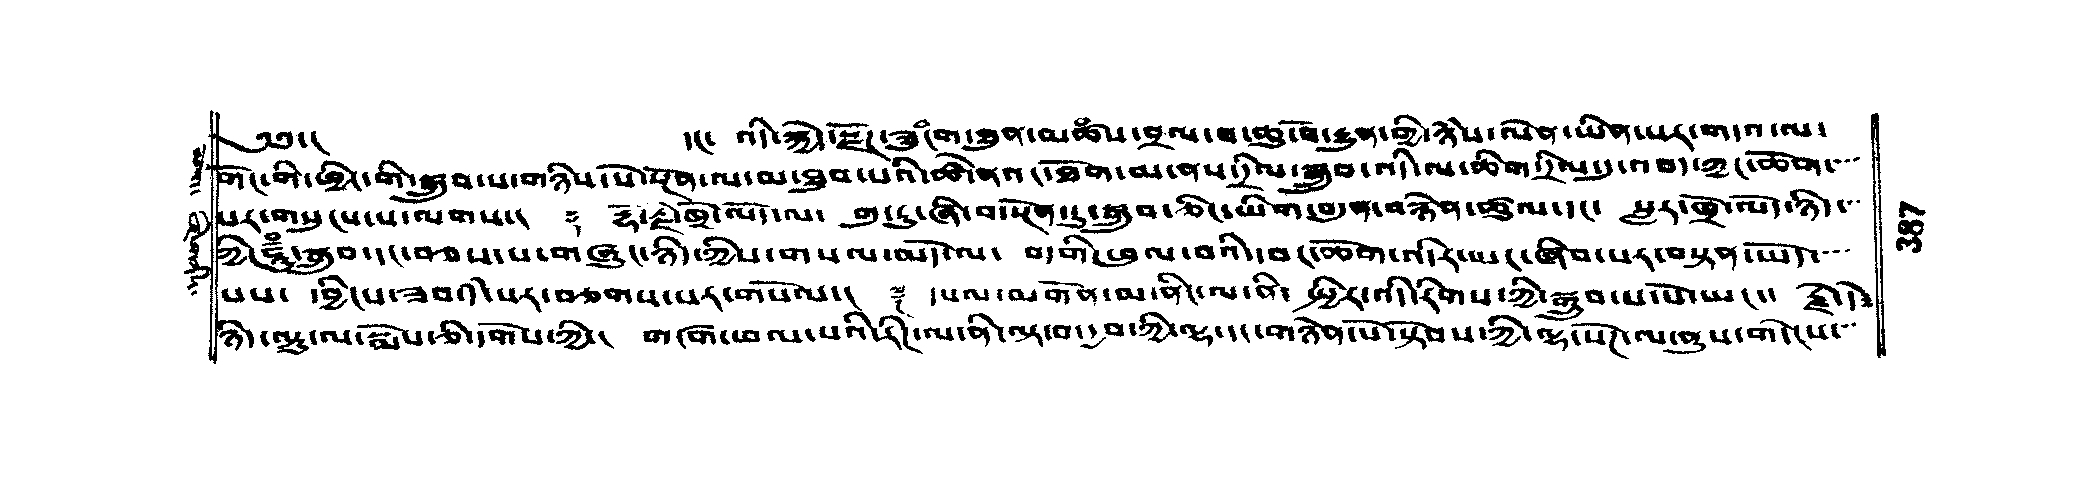དང་། འདི་བསྐྱེད་རྫོགས་ཟུང་འཇུག་ཐུན་མཚམས་བྲལ་བ་ཆུ་བོ་རྒྱུན་གྱི་ཉམས་ལེན་ཡིན་པར་གདའ་ལ། 
གོང་གི་ཕྱི་ནང་གི་སྒྲུབ་པ་གཉིས་པོ་སྔོན་ལ་མ་ཐུབ་པའི་ཚ་ནའང་ཐོག་མ་ནས་དྲིལ་སྒུབ་འདི་ཚིག་དྲིལ་དུ་འབད་ཀྱང་ཆོག་
པར་གསུངས་པ་ལགས། ༈ རྡོ་རྗེ་ཁྲོ་ལོད་ལ། གུ་རུ་ཞི་བ་སྔོན་དུ་སྒྲུབ་ཅིང་ཡིག་བདུན་བསྙེན་ཚུལ་དང་། སླར་ཁྲོ་ལོད་ཉིད་
ཀྱི་ཧཱུྂ་སྒྲུབ་དང་བཅས་པ་གཞུང་ཉིད་ཀྱི་གསལ་མདོ་ལ། བདག་གི་ཕུལ་བའི་དབང་ཆོག་འདིར་ཡང་ཞིབ་པར་བསྟན་ཡོད་
པས། དབྱིངས་ཟབ་དམ་པར་བཅགས་པར་གསོལ། ༈ དཔལ་མགོན་མ་ནིང་ལ་ནི། སྤྱིར་འདི་རིགས་ཀྱི་སྒྲུབ་པ་པོ་ཡང་། རྗེ་དེ་
ཉིད་ལྟ་བུ་ལ་སྨོས་ཅི་དགོས་ཀྱི། གདམས་ངག་ཕལ་བའི་རིགས་ལ་ནི་ལྟ་བ་རྒྱབ་ཀྱི་ལྷ་དང་གཉེན་པོ་སྟོབས་ཀྱི་ལྷ་སོགས་ལ་ནུས་གདེངས་